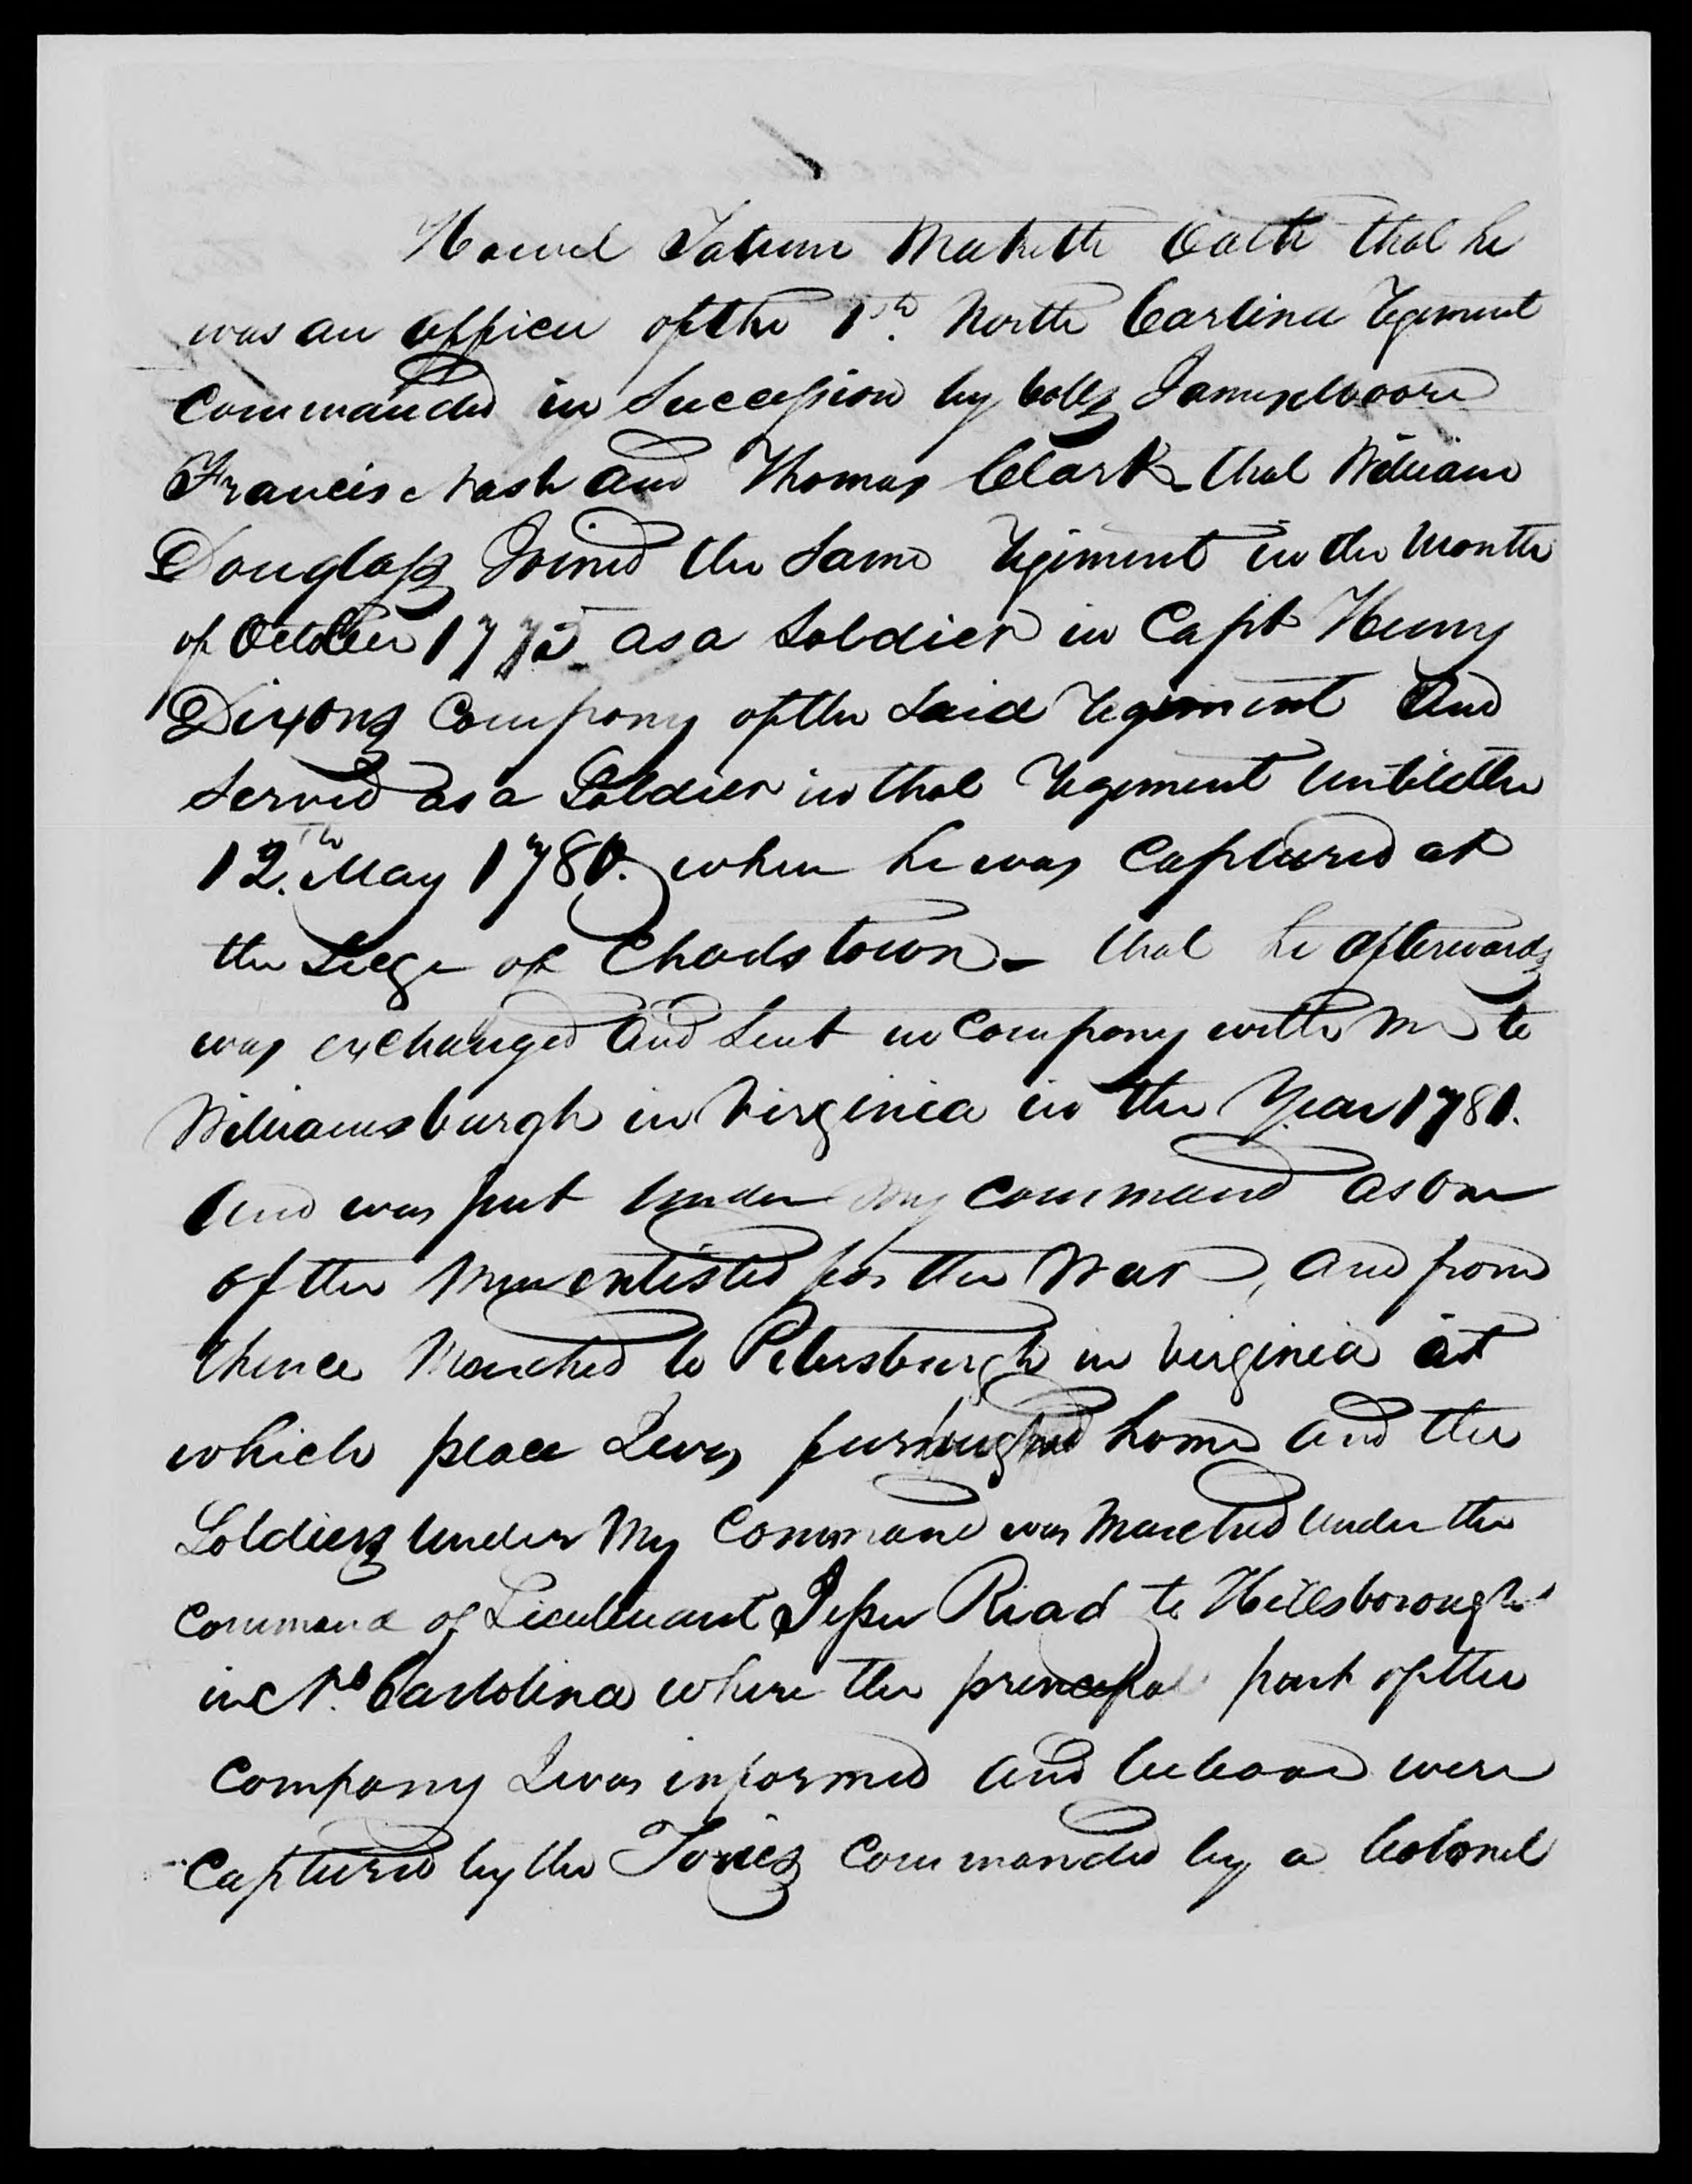[handwritten]

Hamel Tatum maketh Oath that he
was an Officer of the 1st North Carlina [sic] Regiment
commanded in Succession by Col James Moore
Francis Nash and Thomas Clark that William
Douglass
Joined the same regiment in the month
of October 1775. as a Soldier in Capt Henry
Dixons Company of the said regiment and
served as a Soldier in that regiment until the
12th May 1780. when he was captured at
the siege of Charlstown [sic] that he afterwards
was exchanged and went in company with me to
Williamsburgh [sic] in Virginia in the year 1781.
and was put under my command as one
of the men enlisted for the War, and from
thence marched to Petersburgh in Virginia at
which place I was furloughed home and the
Soldiers under my command were marched under the
command of Lieutenant Jesse Read to Hillsborough
in No. Carolina where the principal part of the
company I was informed and believe were
captured by the Tories commanded by a Colonel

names: Henry Dixons, William Douglass, Francis Nash, James Woore, Thomas Clark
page: 4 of 7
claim: survivor's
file: S. 38667, William Douglass, N.C.